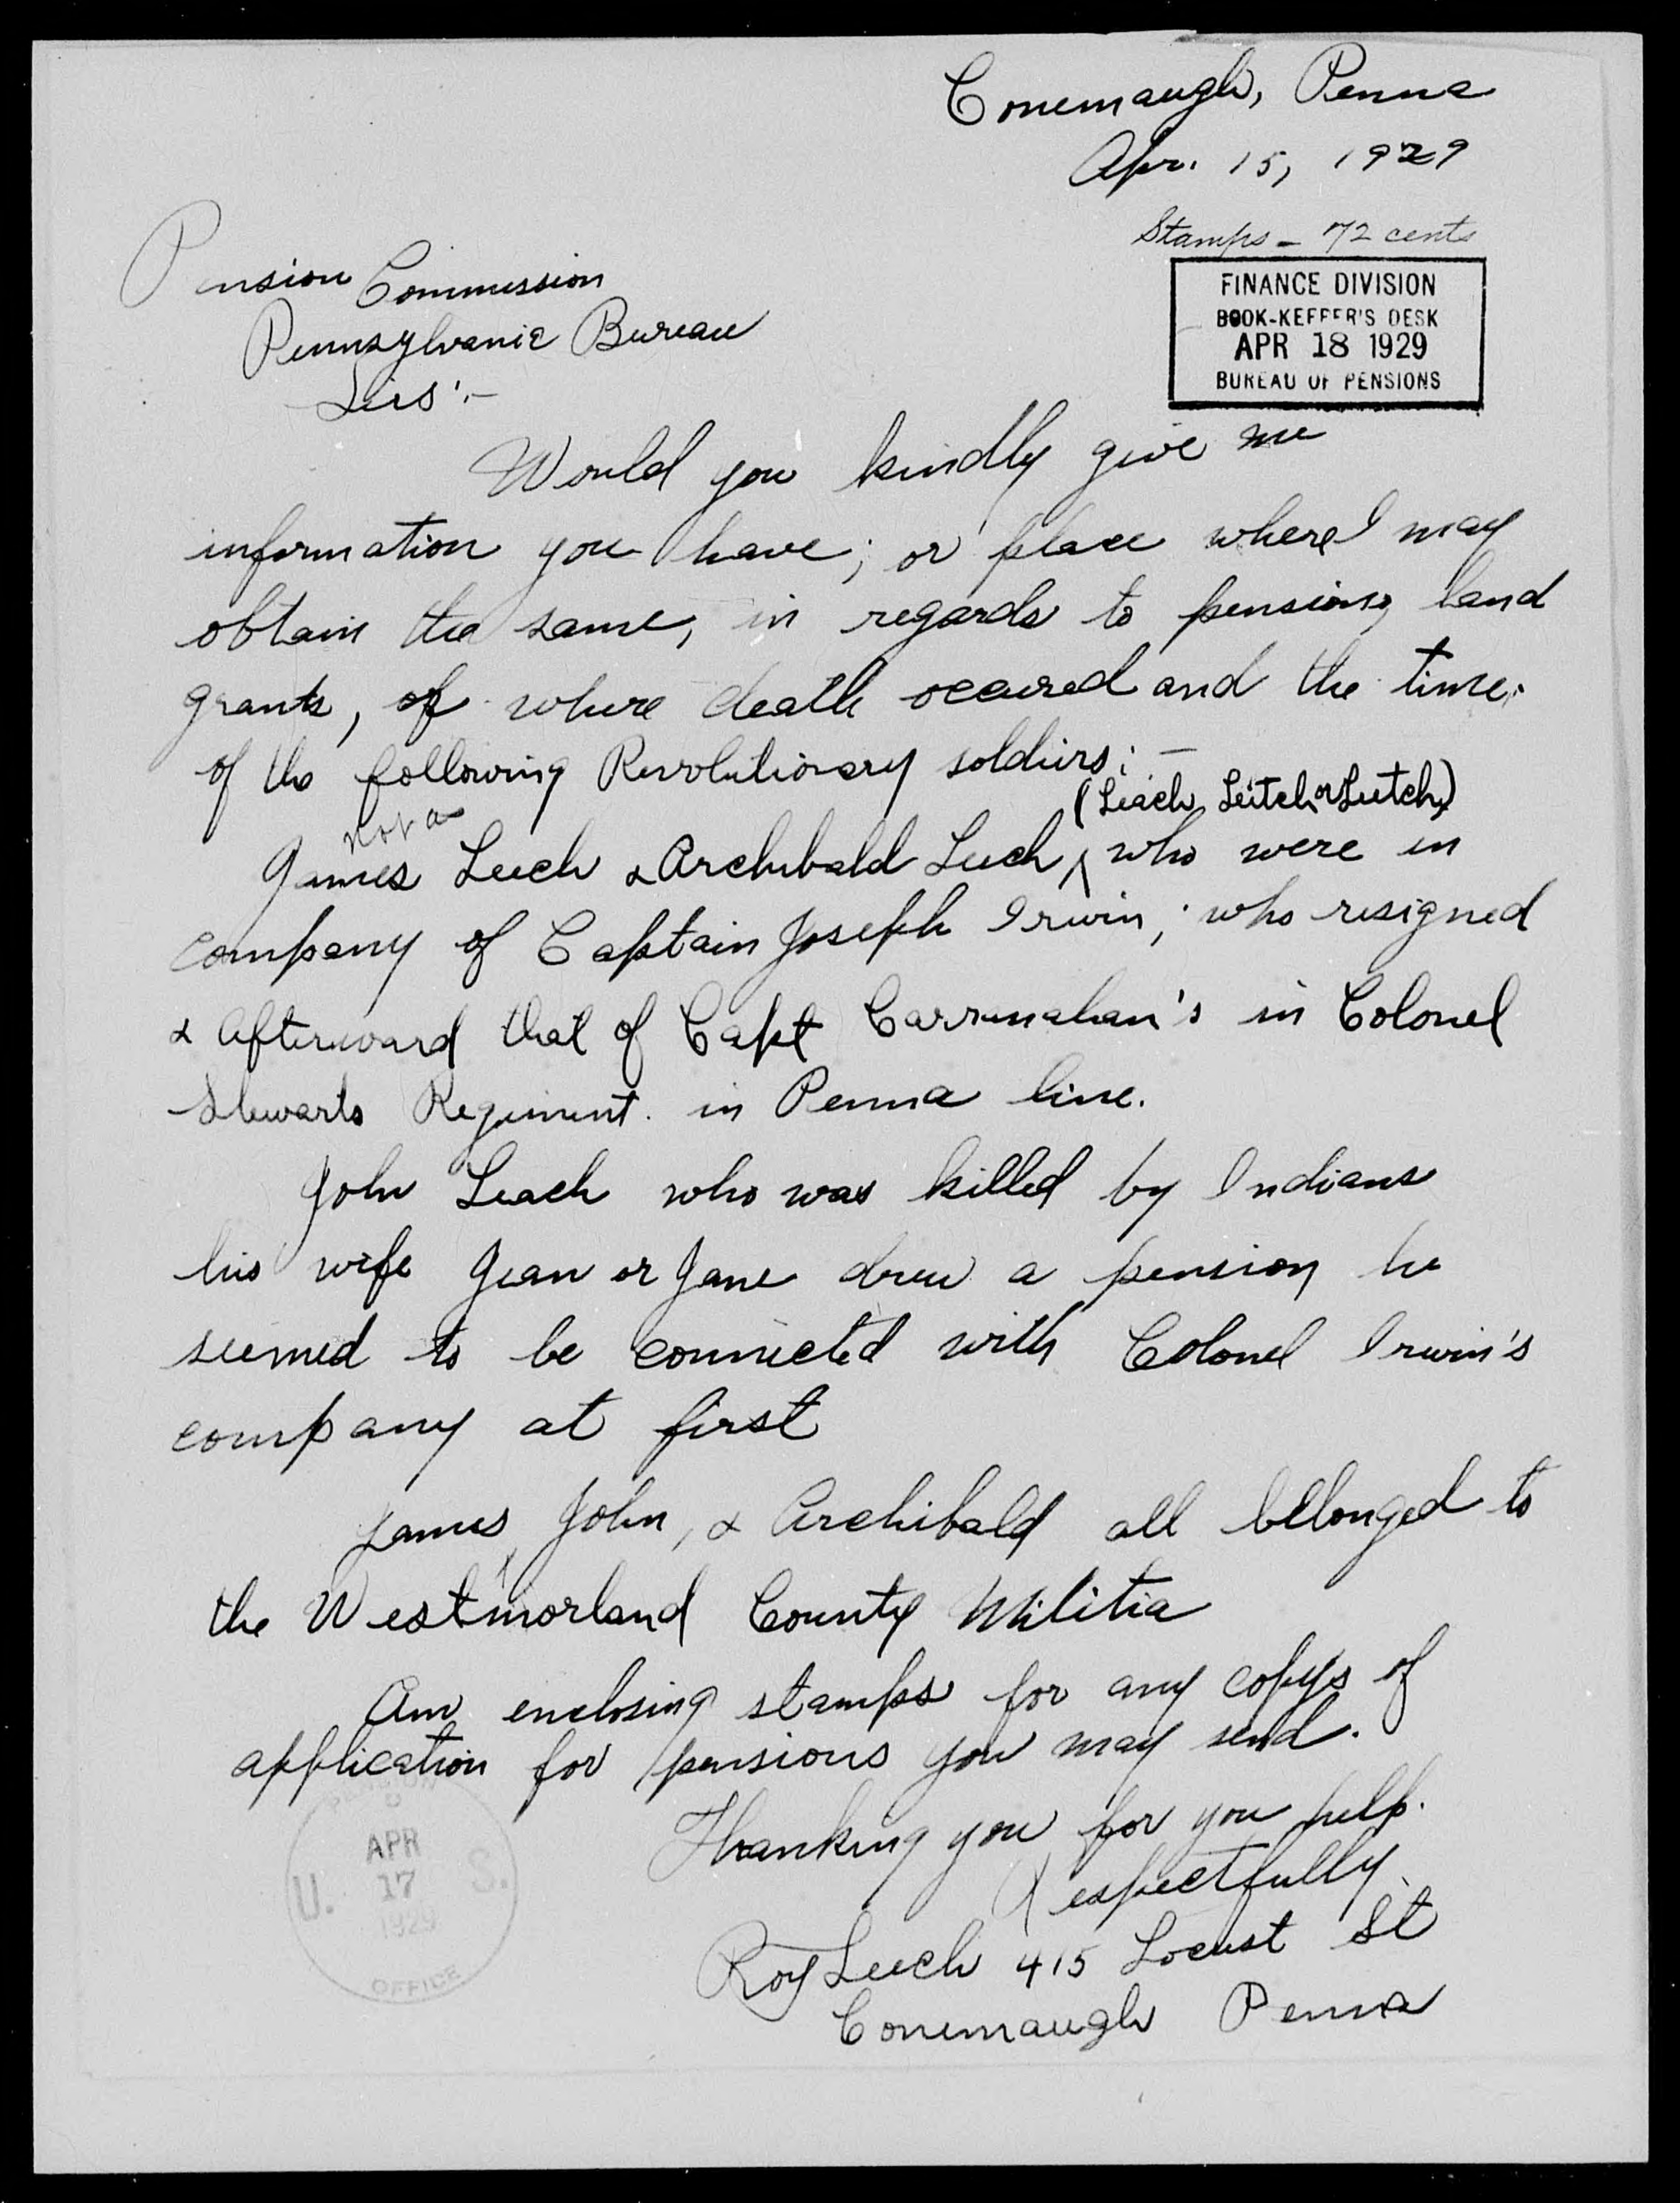Conemaugh, Pennsylvania
Apr. 15, 1929
Stamps - 72 cents
[Stamp: FINANCE DIVISION
BOOK-KEEPER'S DESK
APR 18 1929
BUREAU OF PENSIONS]
Pension Commission
Pennsylvania Bureau
Sirs:
Would you kindly give me information you have, or place where I may obtain the same, in regards to pension land grants, of where death occurred and the time of the following Revolutionary soldiers:
James Leech and Archibald Leech (Leach, Leitch or Leetch) who were in company of Captain Joseph Irwin, who resigned and afterward that of Capt. Carranahan's in Colonel Stewart's Regiment in Pennsylvania line.
John Leach, who was killed by Indians, his wife Jean or Jane drew a pension. He seemed to be connected with Colonel Irwin's company at first.
James, John and Archibald all belonged to the Westmorland County Militia.
Am enclosing stamps for any copies of application for pensions you may send.
Thanking you for you help.
Respectfully,
Roy Leech, 415 Locust St
Conemaugh, Pennsylvania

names: Jean [BLANK]; Archibald Leetch; John Leach; Archibald Leitch; James Leech; Archibald Leech; Jane [BLANK]; Roy Leech; [BLANK] Carnnahan; Archibald Liach; Joseph Irwin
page: 14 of 20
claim: survivor's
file: S. 40,935, for Archibald Leech, Pennsylvania